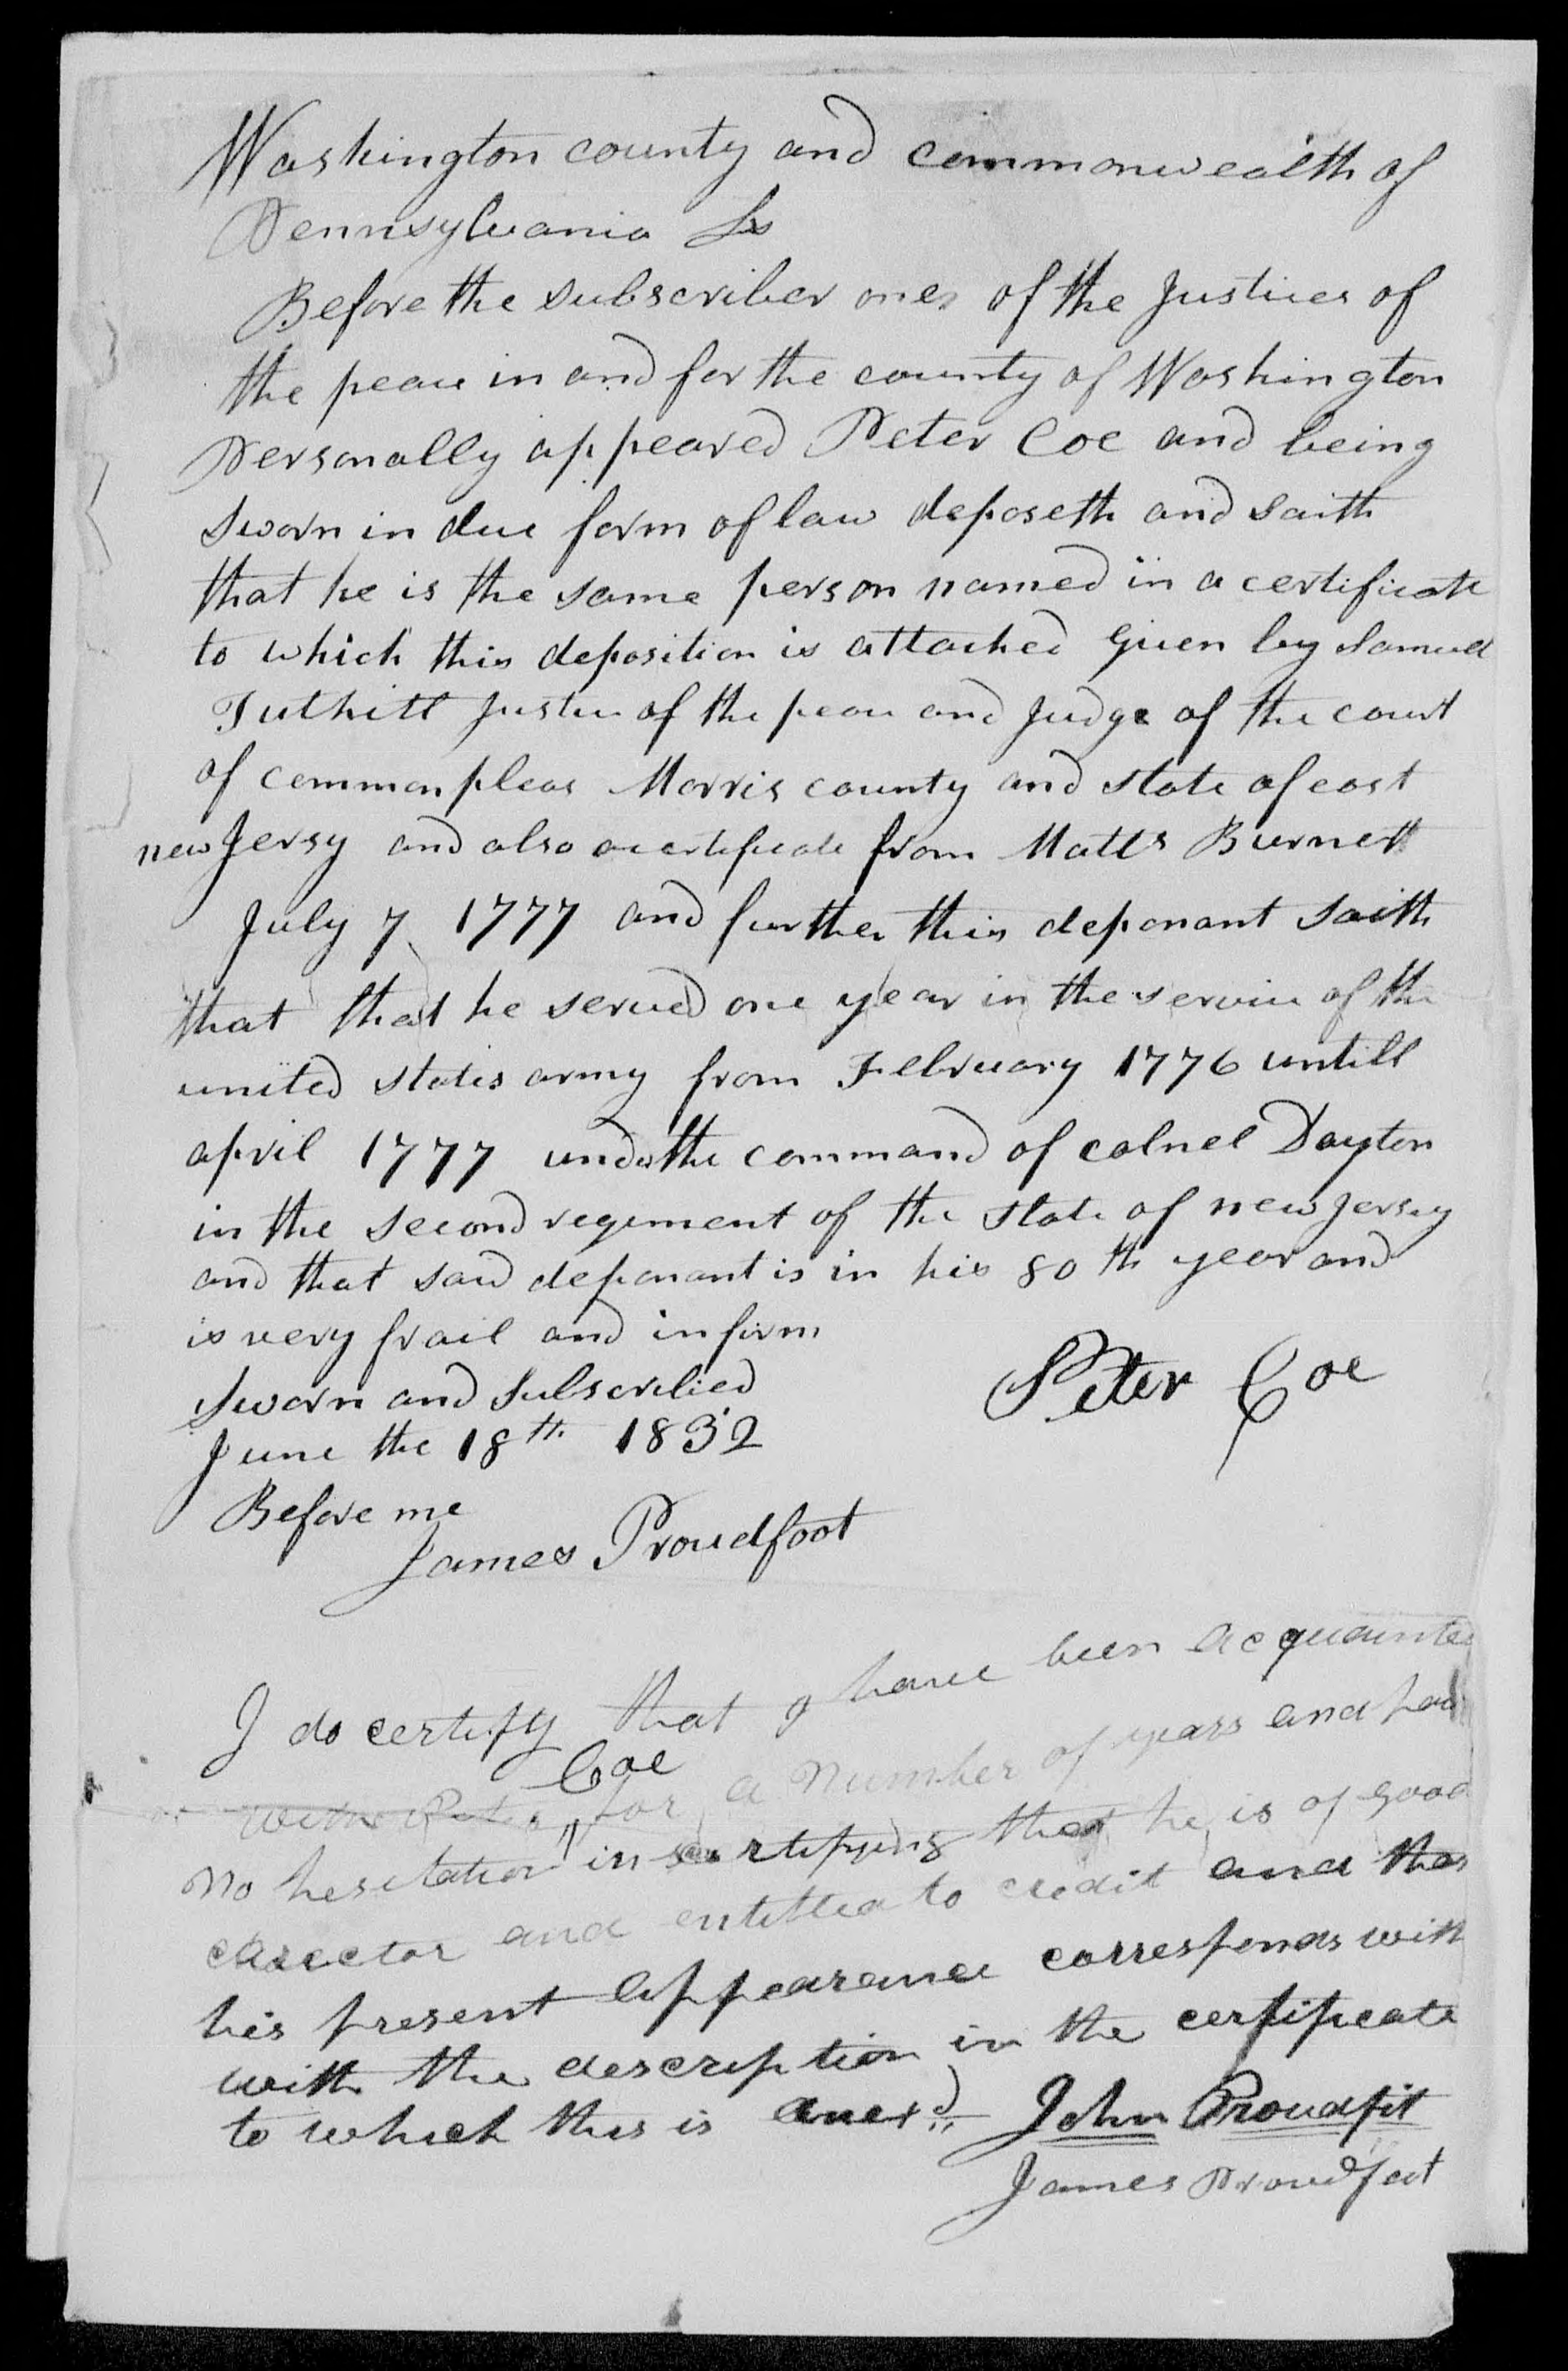Washington county and commonwealth of Pennsylvania ss
Before the subscriber ones of the Justice of the peace in and for the county of Washington Personally appeared Peter Coe and being sworn in due form of law deposeth and saith that he is the same person named in a certificate to which this deposition is attached given by Samuel Tuthitt Justice of the peace and Judge of the court of common pleas Morris county and state of east New Jersy and also a certificate from Matt Burnett July 7, 1777 and further this deponant saith that that he served one year in the service of the united States army from February 1776 untill april 1777 under the command of colonel Dayton and that saw deponant is in his 80th year and is very frail and infirm
June the 18th 1832 
Peter Coe
Before me
James Proudfoot

I do certify that I have been acquainted with Peter Coe for a number of years and have no hesitation in certifying that he is of good charactor and entitled to credit and that his present appearance corresponds with with the description in the certificate to which this is anexd. 
John Proudfit
James Proudfoot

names: Samuel Tuthitt, John Proudfit, James Proudfoot, James Proudfoot, Rote Coe, Peter Coe, Peter Coe, Dayton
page: 11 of 23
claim: survivor's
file: S. 3167, Peter Coe, New Jersey Penn.